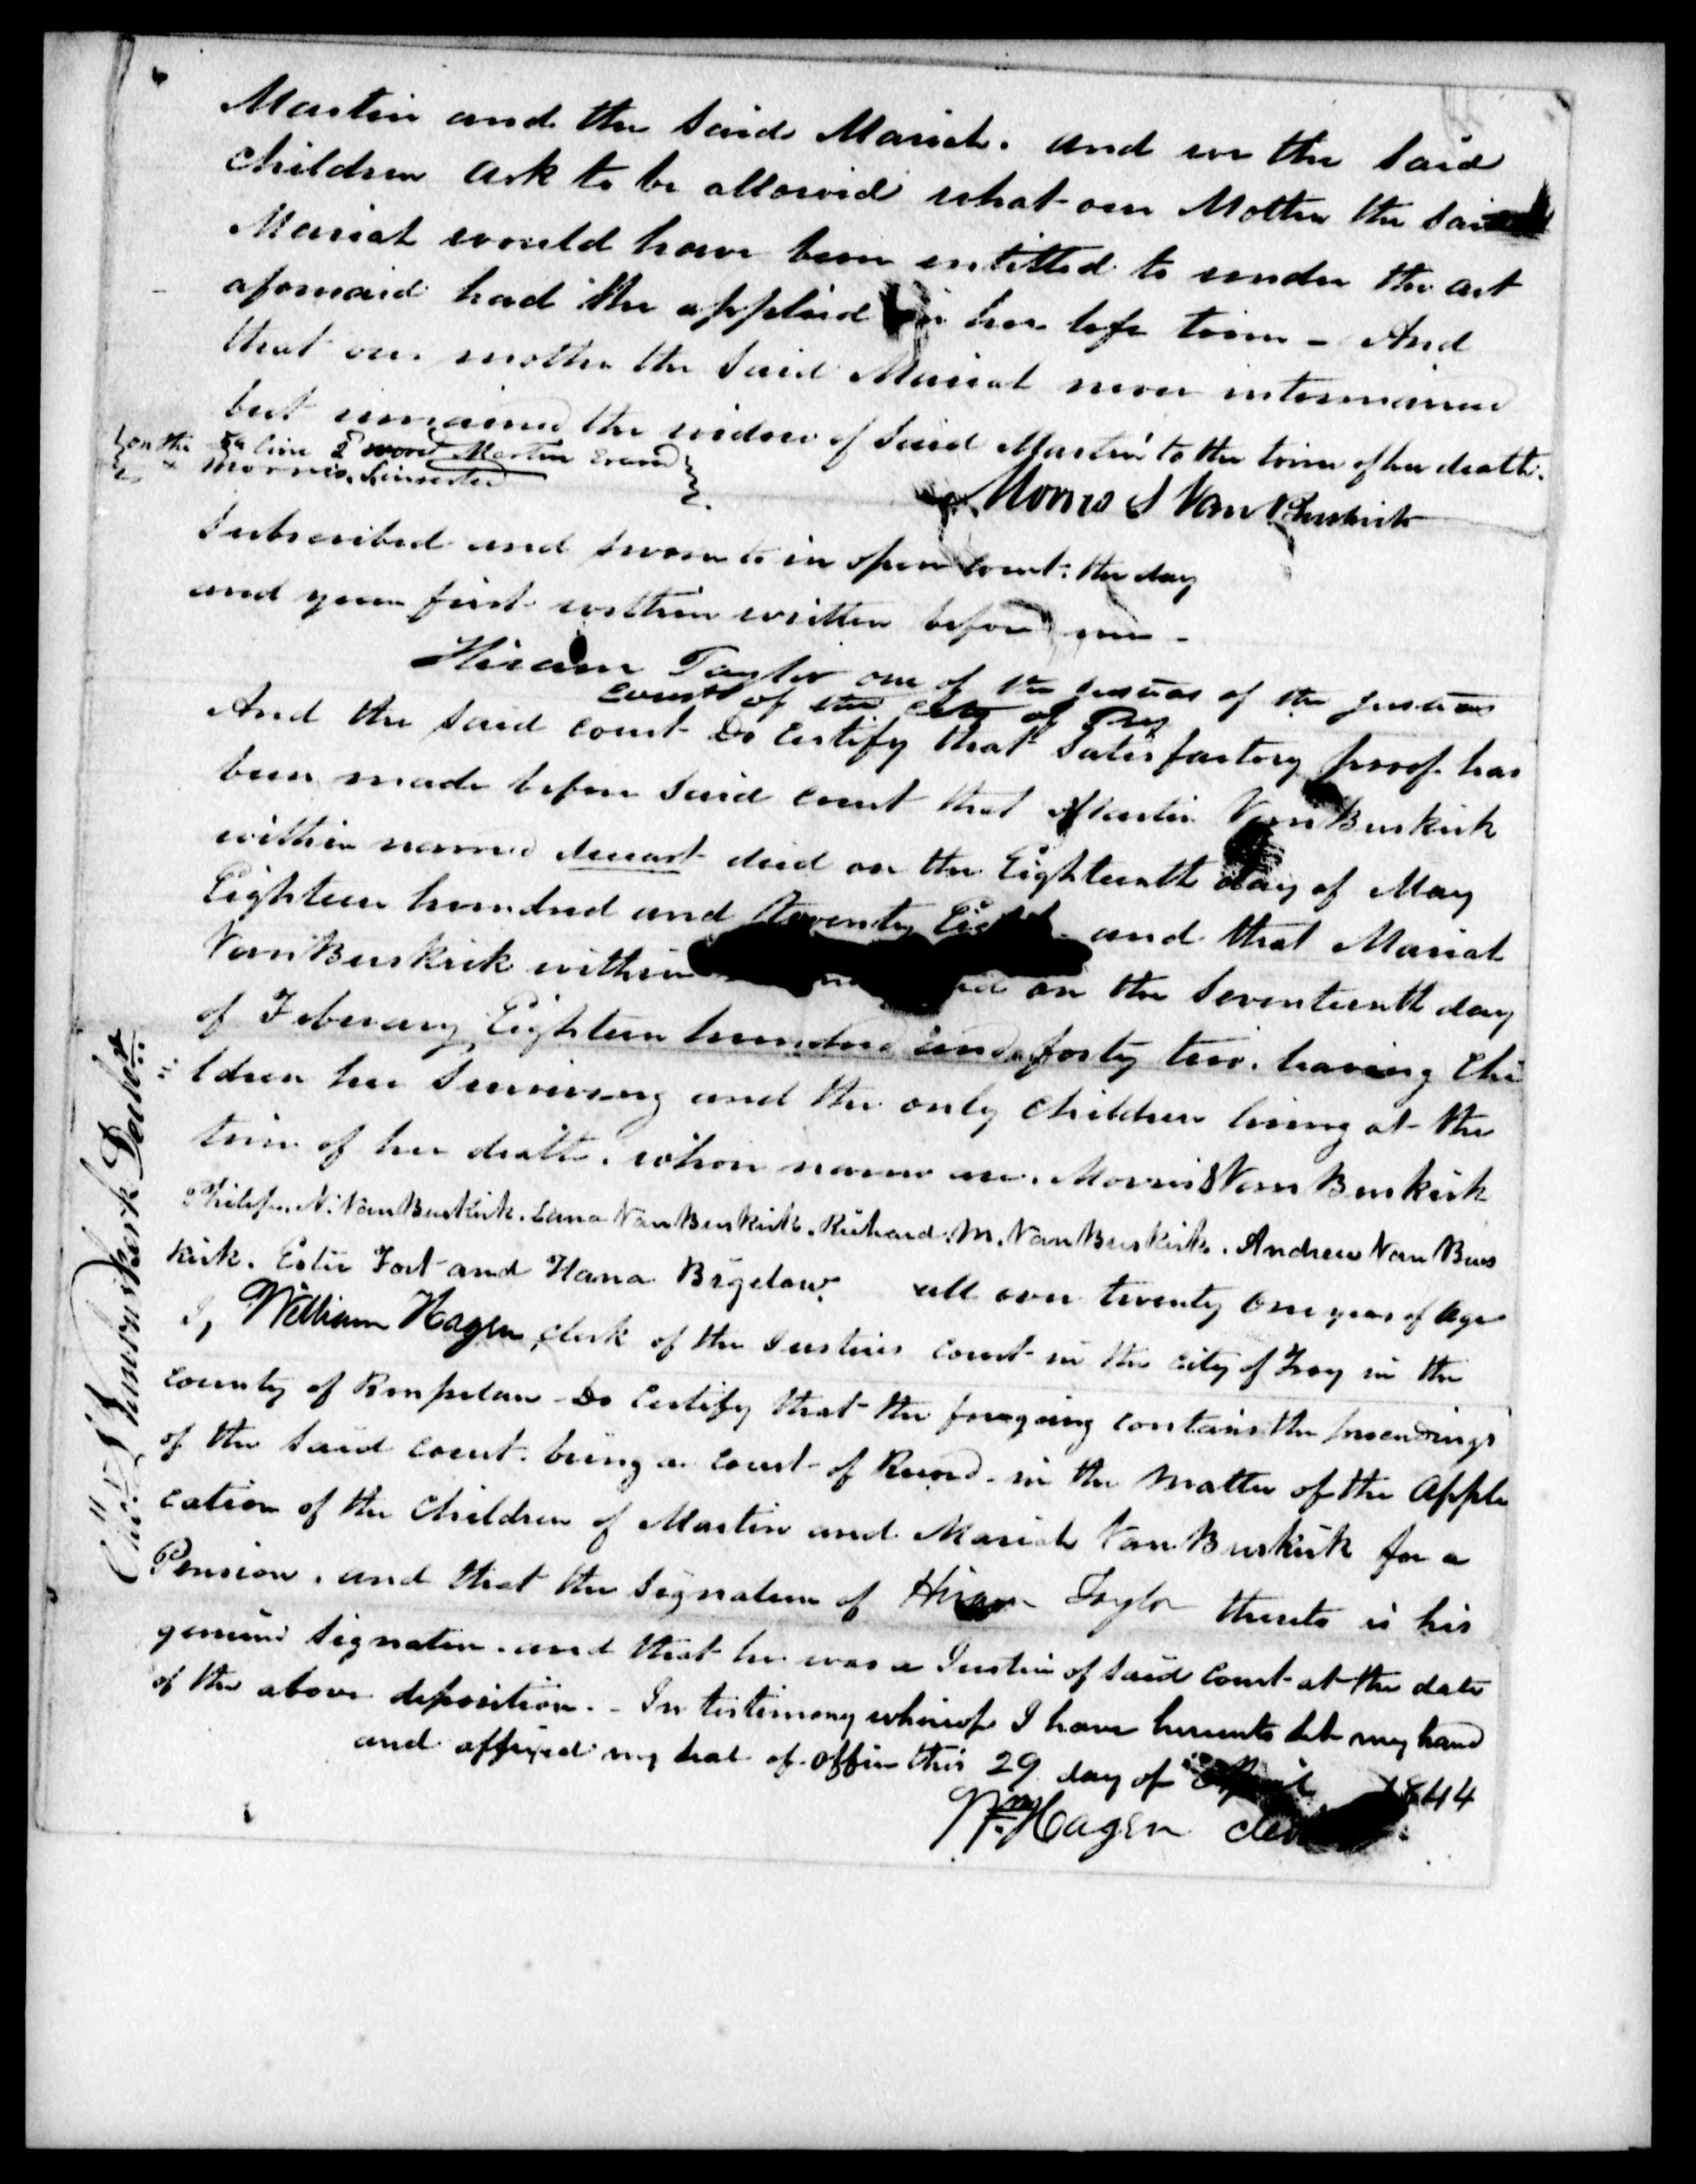Martin and the said Mariah. And we the said
children ask to be allowed what our mother the said Mariah would have been entitled to under the act aforesaid had she applied in her life time. And that our mother the said Mariah never intermarried but remained the widow of said Martin to the time of her death.  
Morris S. Van Buskirk

On the [5th?] line 2d word Martin erased
Morris inserted}

Subscribed and sworn to in open Court the day and year first within written before me
Hiram Taylor [signature] one of the Justices of the Justice Court of the city of Troy

And the said Court do certify that satisfactory proof has been made before said Court that Martin Van Buskirk within named deceased [deceased is underlined] died on the Eighteenth day of May Eighteen hundred and twenty eight and that Mariah Van Buskirk within [illegible] on the Seventeenth day
of February, Eighteen hundred and forty two having children her surviving and the only children living at the time of her death, whose names are. Morris S. Van Buskirk, Philip N. Van Buskirk, Lana Van Buskirk,  Richard M. Van Buskirk, Andrew Van Buskirk, Ester Fort and Hana Bigelow, all over twenty one years of age

I William Hagen, Clerk of the Justices Court in the City of Troy in the County of Rensselaer, do certify that the foregoing contains the proceedings of the said Court being a Court of Record in the matter of the Application of the children of Martin and Mariah Van Buskirk for a Pension, and that the signature of Hiram Taylor thereto is his genuine signature and that he was a Justice of said Court at the date
of the above deposition. In testimony whereof I have hereunto set my hand and affixed my seal of office this 29 day of April 1844
Wm. Hagen [signature] Clerk

[written vertically on left side of page]
Mor. S. VanBuskirk Declar.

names: Martin, Wm Hagen, Richard M Van Buskirk, Mariah Van Buskirk, Lana Van Buskirk, Hiram Taylor, Hana Bigelow, Martin, Martin Van Buskirk, Chas S Vanbuskerk, Morris S Van Buskirk, Hiram Taylor, Ester Fort, Morris S Van Buskirk, Martin Grand, Philip N Van Buskirk, Morris Linserted, Mariah, Mariah, Andrew Van Buskirk, William Hagen, Mariah Van Buskirk, Mariah, Martin Van Buskirk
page: 58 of 70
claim: rejected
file: R. 10,832, Martin Van Buskirk, New York.